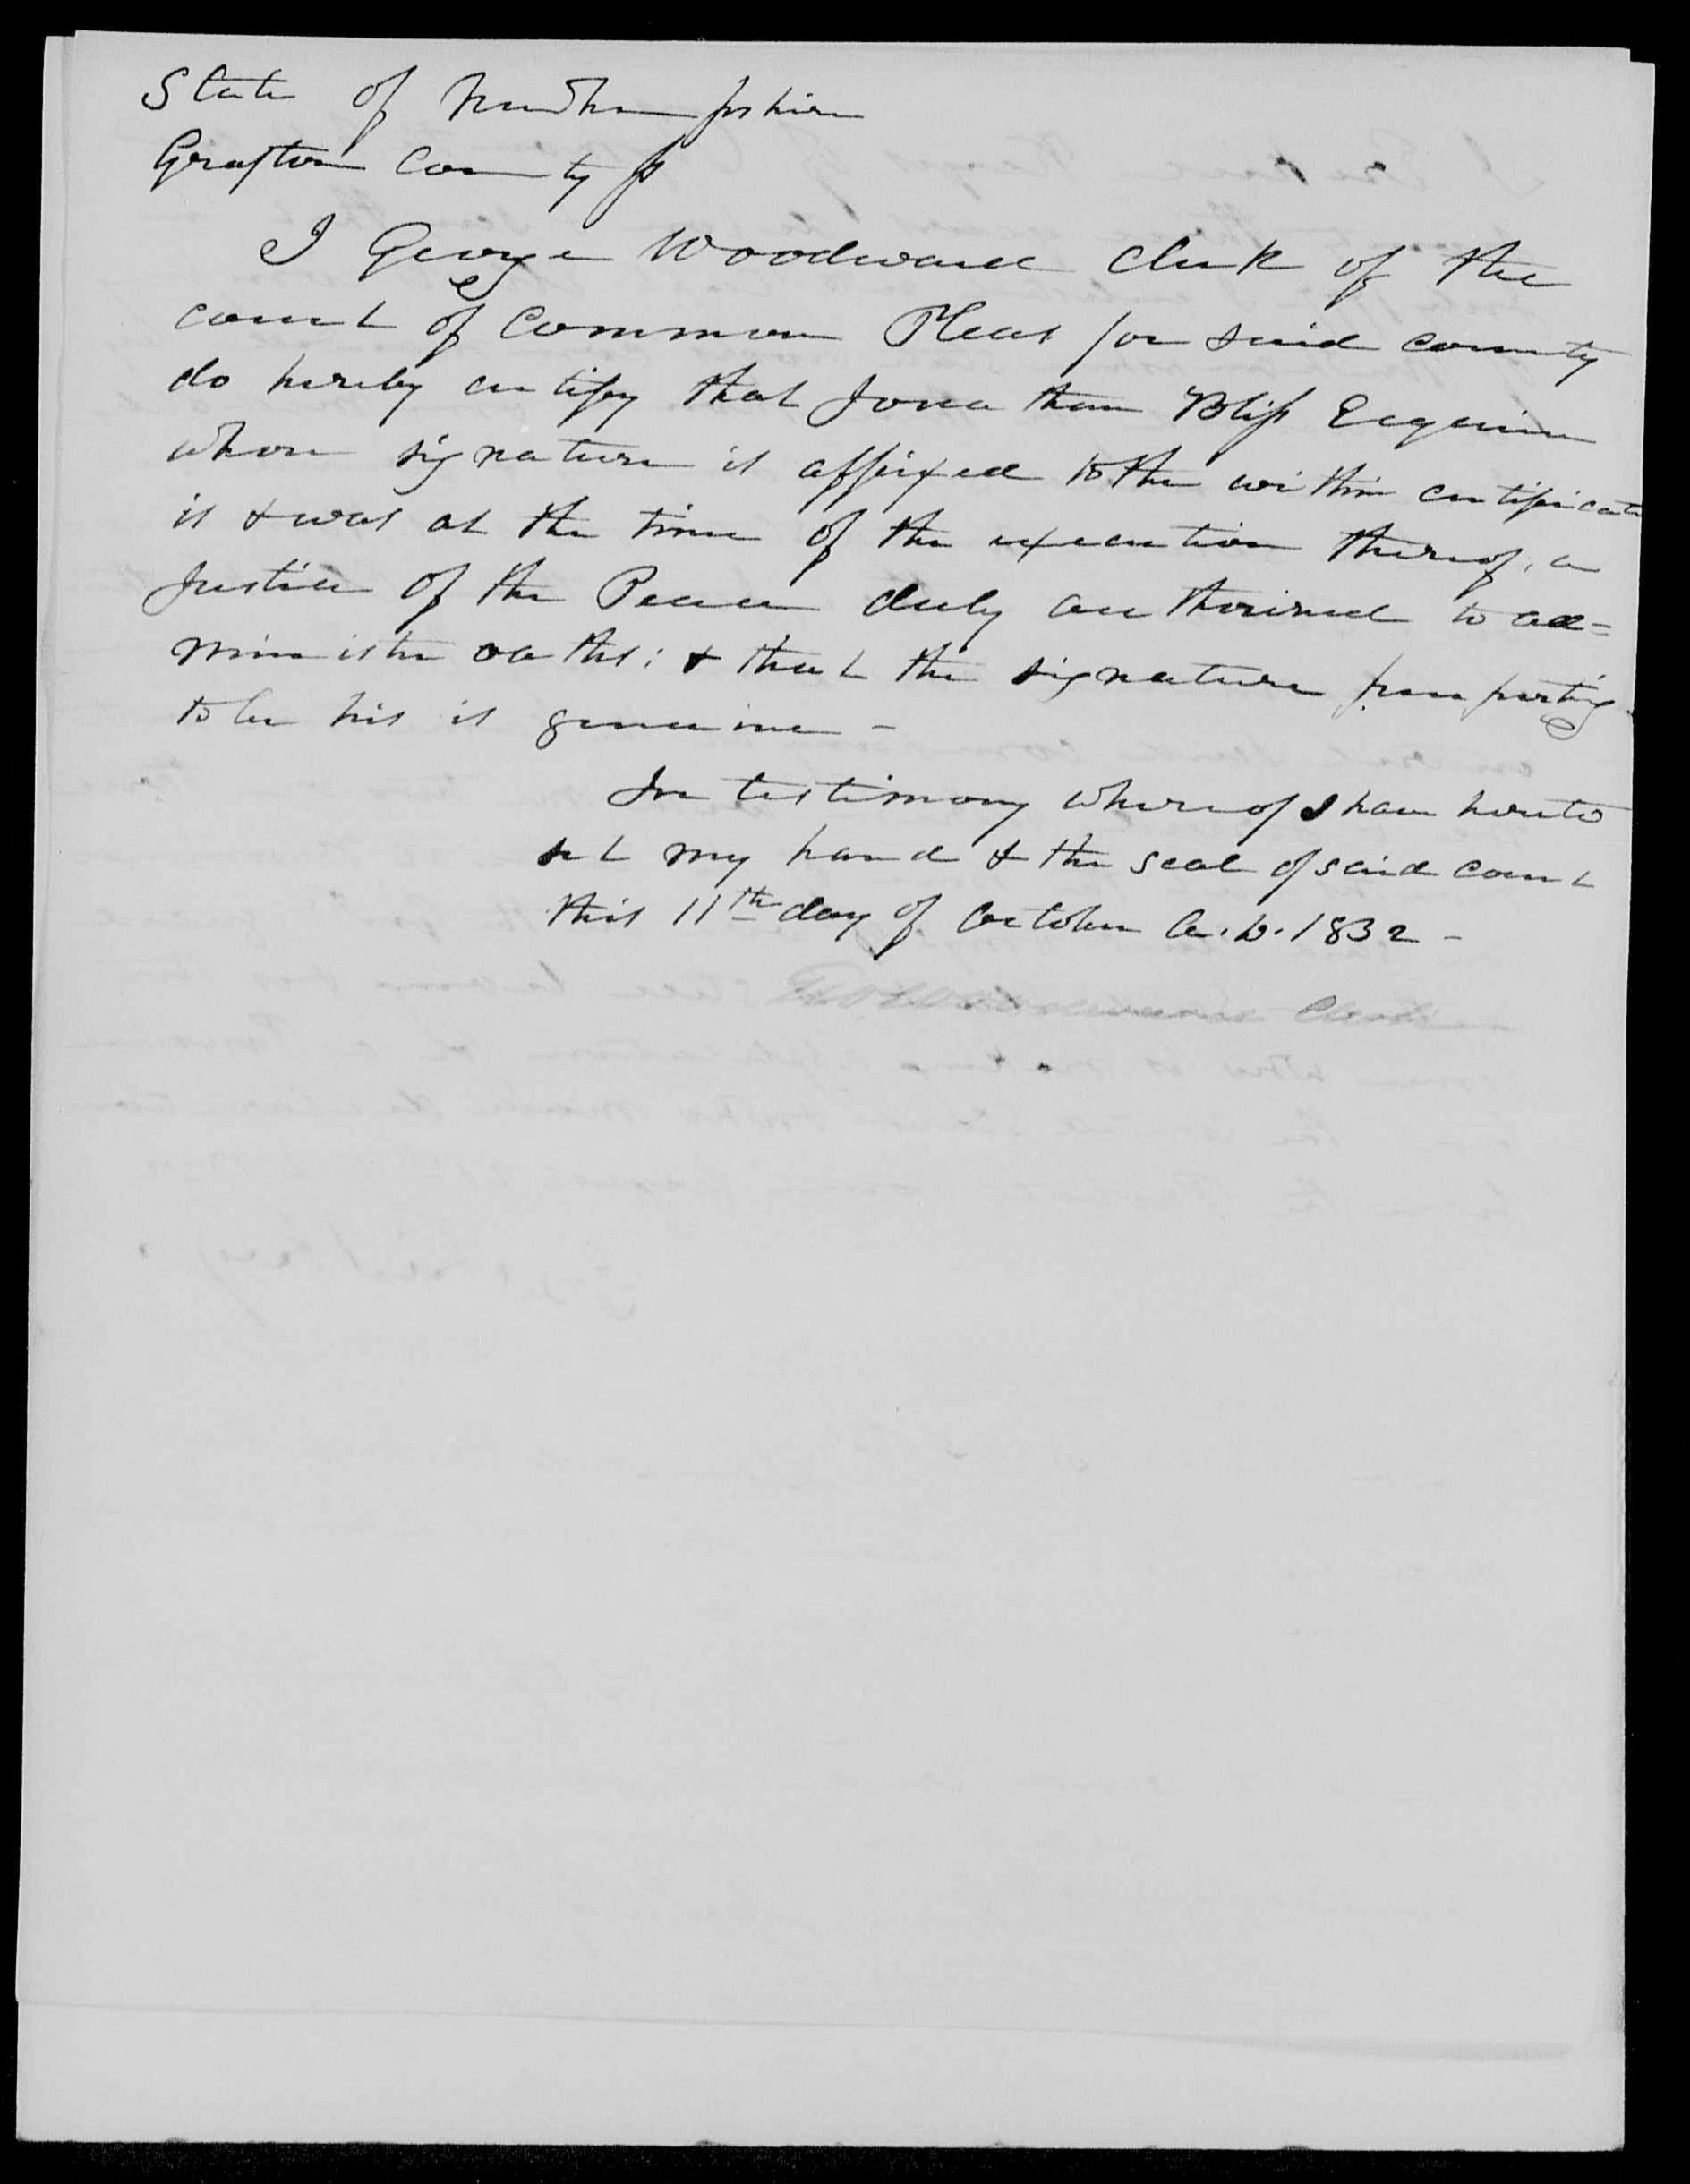State of NewHampshire
Grafton County

I George Woodward Clerk
of the
Court of Common Pleas for said County
do hereby certify that Jonathan Bliss Esquire whose
signature is affixed to the within certificate
is & was at the time of the execution thereof, a
Justice of the Peace duly authorised to administer oaths & that his signature purporting to be his is genuine
In testimony whereof I have hereto
set my hand & the seal of said Court
this 11th day of October A.D. 1832
Geo Woodward Clerk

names: Jonathan Bliss, George Woodward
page: 12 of 18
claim: survivor's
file: S. 12,512, Jonathan Clark, Mass. N.H.